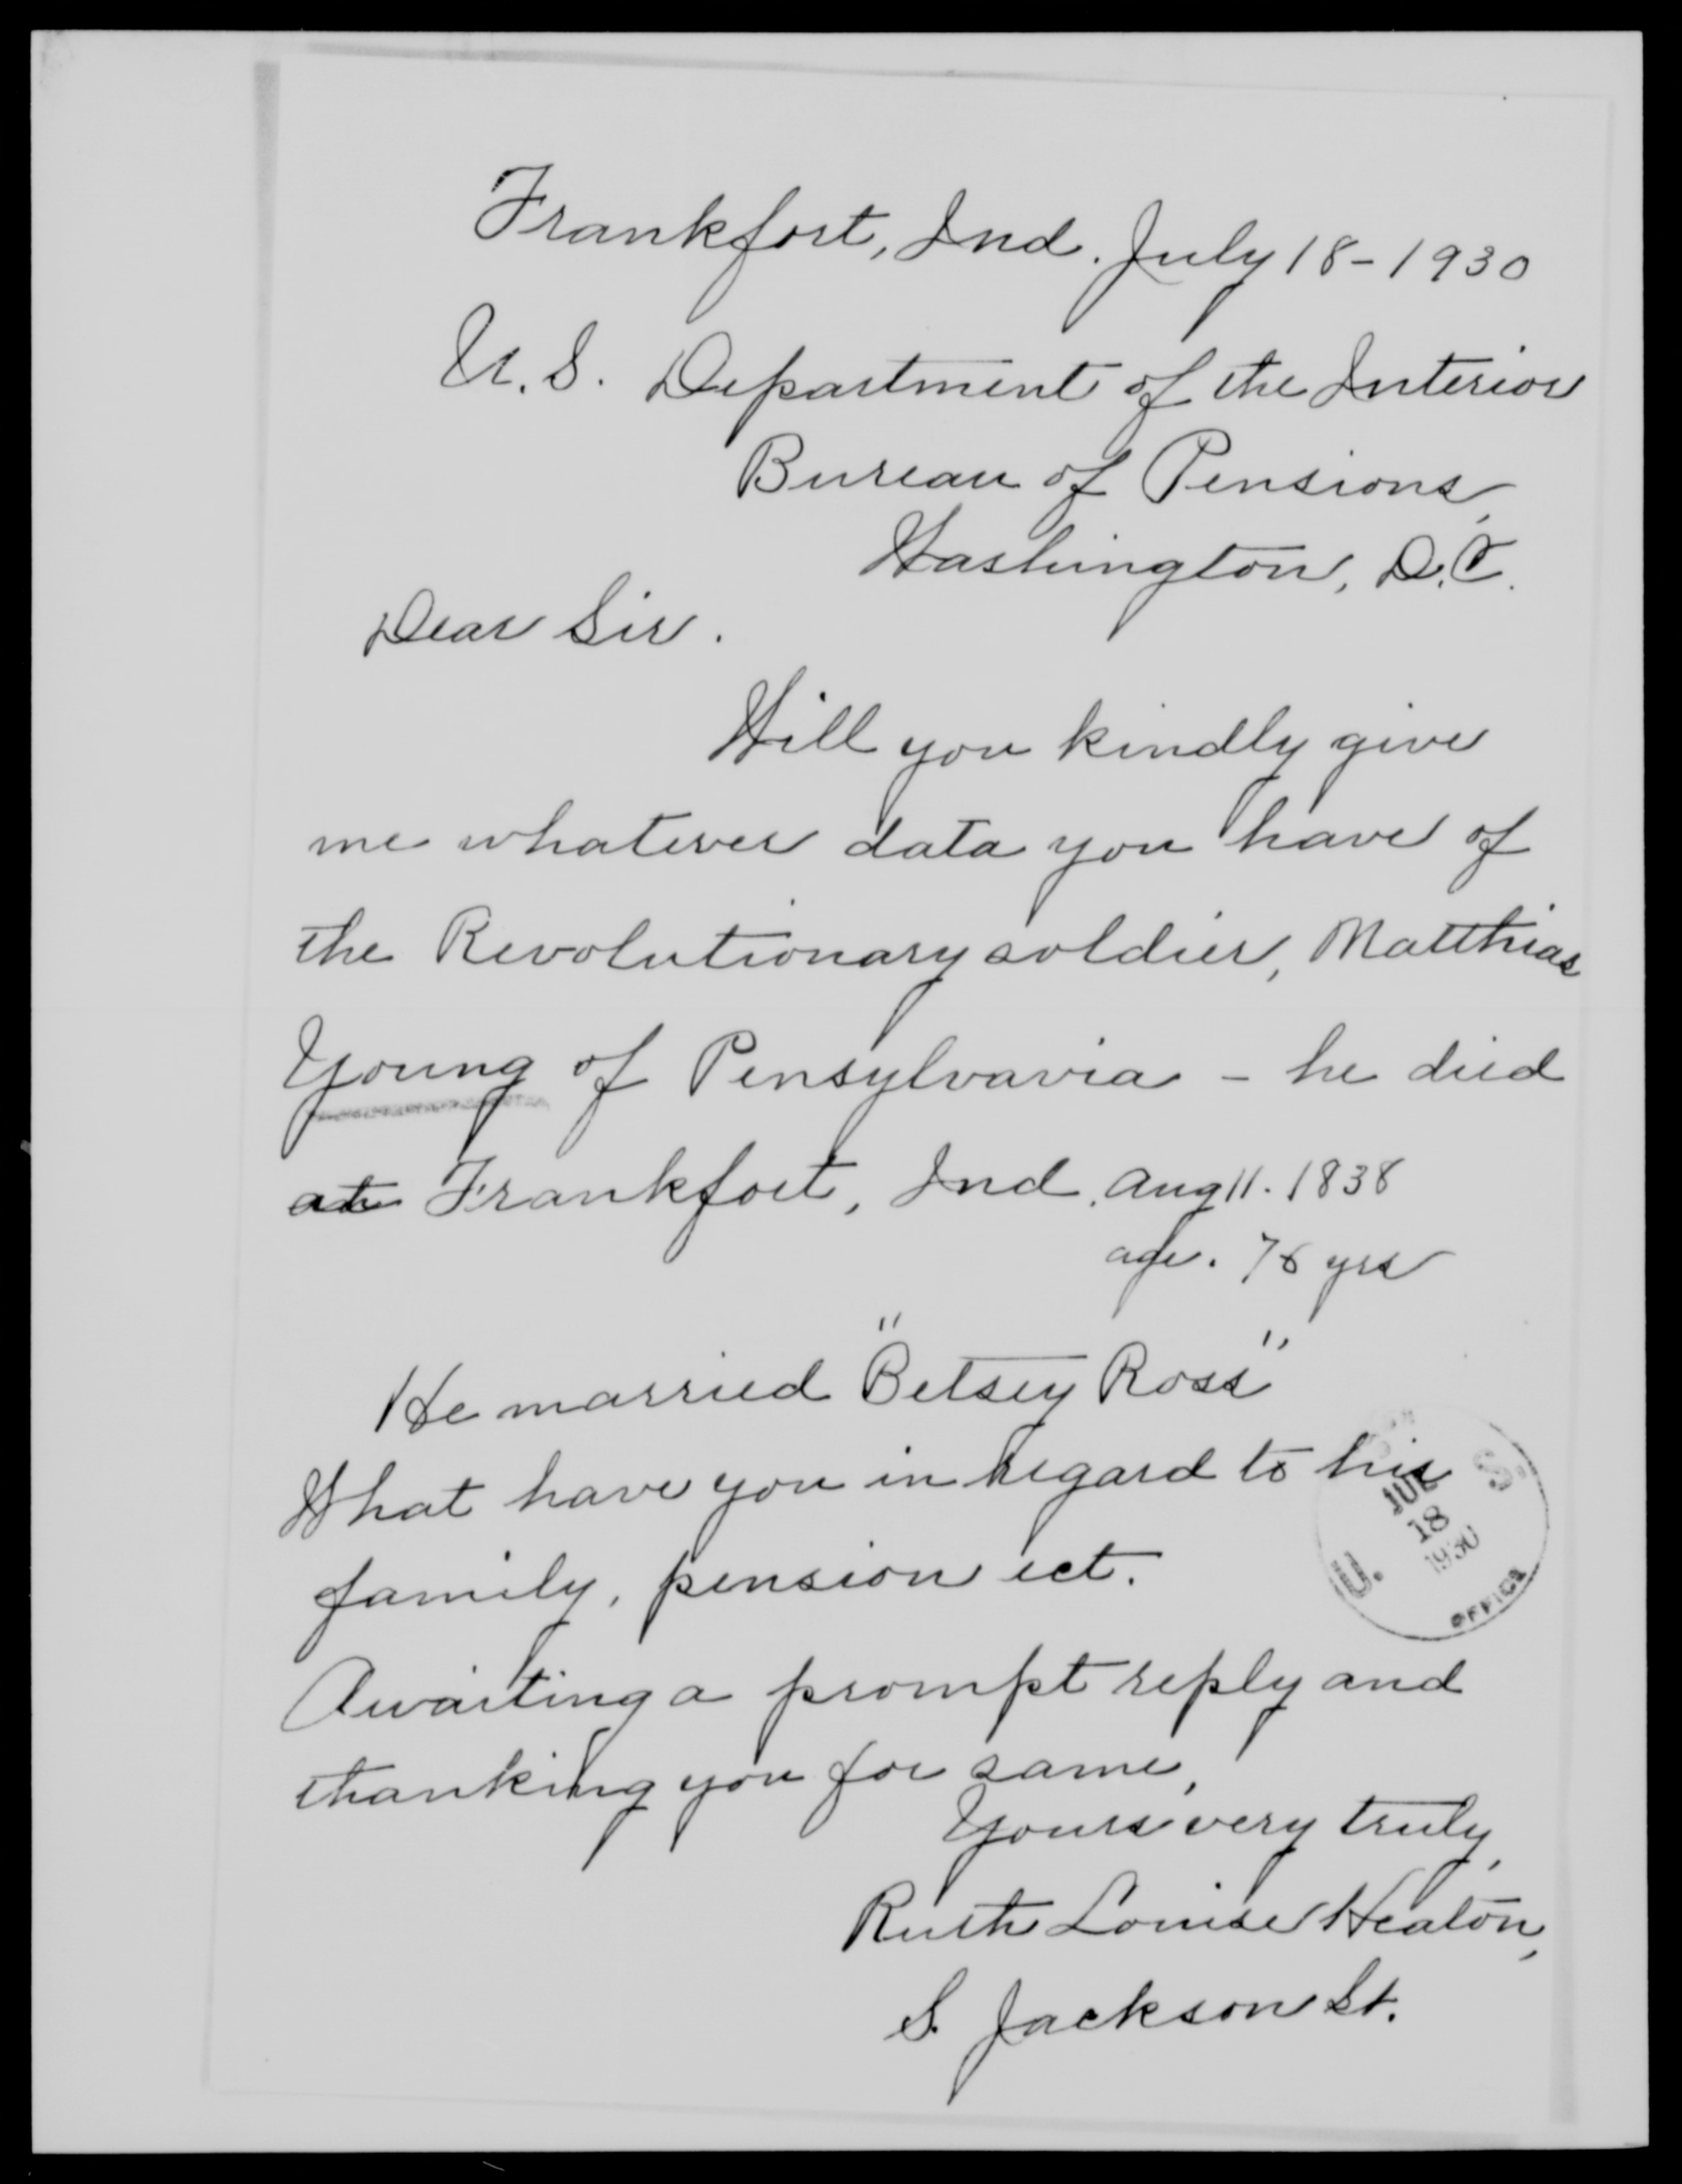Frankfort, Ind. July 18-1930
U. S. Department of the Interior
Bureau of Pensions
Washington, D.C.

Dear Sir
Will you kindly give
me whatever data you have of
the Revolutionary soldier, Matthias
Young of Pensylvania - he died
at Frankfort, Ind. Aug 11, 1838
age 78 yes
He married "Betsey Ross"
What have you in regard to his
family, pension act.
Awaiting a prompt reply and
thanking you for same
Yours very truly
Ruth Louise Heaton
S. Jackson St

[circle stamp]
US PENSION OFFICE 
JUL 18 1930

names: Betsey Ross, Ruth Louise Heaton, Matthias Young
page: 59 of 123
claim: rejected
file: R. 11,949, Matthias Young, Md.